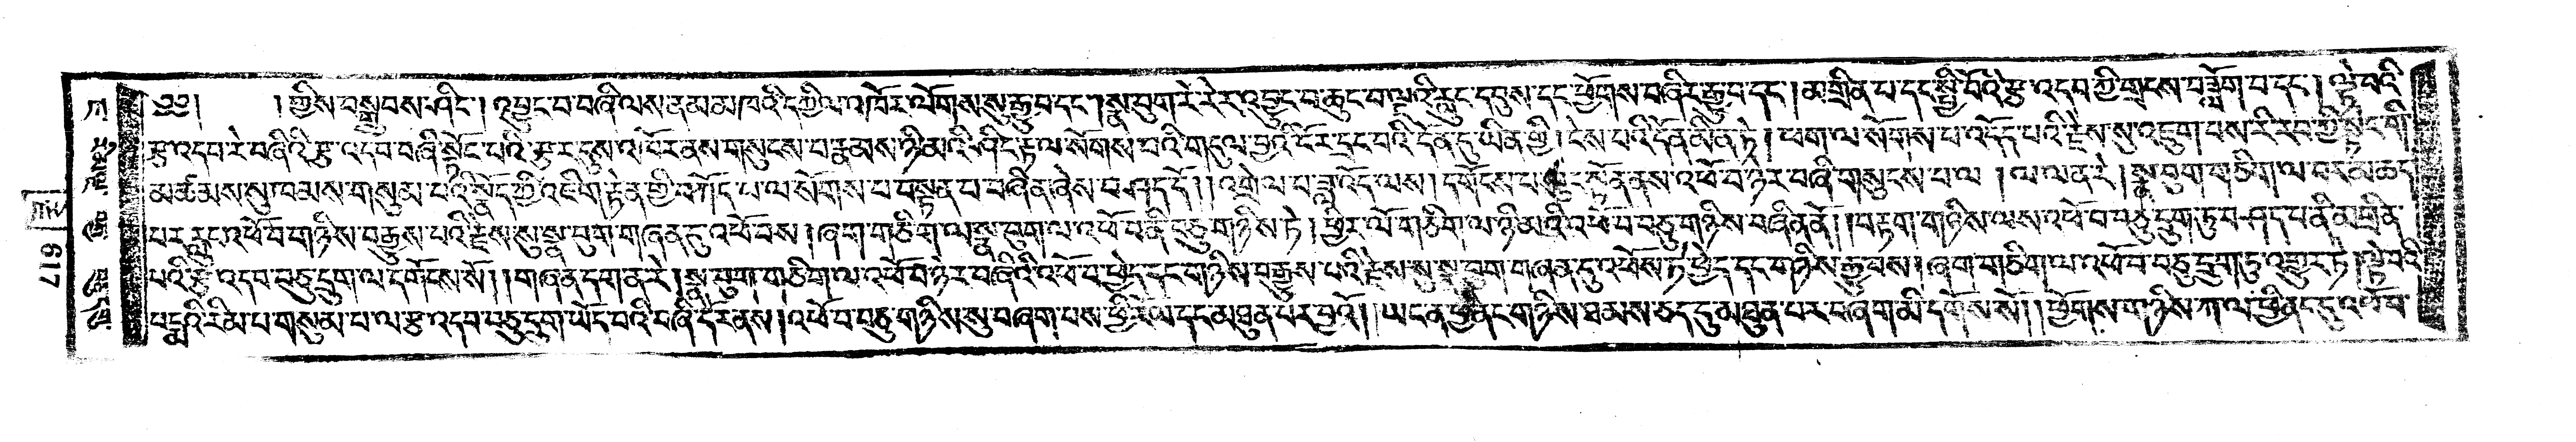༄༅། །གྱིས་བསྒྲུབས་ཤིང་། འབྱུང་བ་བཞི་ལས་ནམ་མཁའི་དཀྱིལ་འཁོར་ལོགས་སུ་རྒྱུ་བ་དང་། སྣ་བུག་རེ་རེར་འབྱུང་བ་ཆུང་བ་ལྔའི་རླུང་དབུས་དང་ཕྱོགས་བཞིར་རྒྱུ་བ་དང་། མགྲིན་པ་དང་སྤྱི་བོའི་རྩ་འདབ་ཀྱི་གྲངས་བཟློག་པ་དང་། ལྟེ་བའི་
རྩ་འདབ་རེ་བཞིའི་རྩ་འདབ་བཞི་སྟོང་པའི་རྩར་དུས་འཁོར་ནས་གསུངས་པ་རྣམས་ཉི་མའི་ཤིང་རྟ་ལ་སོགས་པའི་གདུལ་བྱའི་ངོར་དྲང་བའི་དོན་དུ་ཡིན་གྱི། ངེས་པའི་དོན་མིན་ཏེ། ཕག་ལ་སོགས་པ་འདོད་པའི་རྗེས་སུ་འཇུག་པས་རི་རབ་ཀྱི་སྟེང་གི་
མཚམས་སུ་ཁམས་གསུམ་པའི་སྣོད་ཀྱི་འཇིག་རྟེན་གྱི་བཀོད་པ་ལ་སོགས་པ་བསྟན་པ་བཞིན་ཞེས་བཤད་དོ། །འགྲེལ་པ་ཟླ་འོད་ལས། དགོངས་པ་ལུང་སྟོན་ནས་འཕོ་བ་ཉེར་བཞི་གསུངས་པ་ལ། ལ་ལ་ན་རེ། སྣ་བུག་གཅིག་ལ་བར་མ་ཆད་
པར་རླུང་འཕོ་བ་གཉིས་བརྒྱུས་པའི་རྗེས་སུ་སྣ་བུག་གཞན་དུ་འཕོ་བས། ཞག་གཅིག་ལ་སྣ་བུག་ལ་འཕོ་བ་ནི་བཅུ་གཉིས་ཏེ། ཕྱིར་ལོ་གཅིག་ལ་ཉི་མའི་འཕོ་བ་བཅུ་གཉིས་བཞིན་ནོ། །བརྟག་གཉིས་ལས་འཕོ་བ་བཅུ་དྲུག་ཏུ་བཤད་པ་ནི་མགྲིན་
པའི་རྩ་འདབ་བཅུ་དྲུག་ལ་དགོངས་སོ། །གཞན་དག་ན་རེ། སྣ་བུག་གཅིག་ལ་འཕོ་བ་ཉེར་བཞིའི་འཕོ་བ་ཕྱེད་དང་གཉིས་བརྒྱུས་པའི་རྗེས་སུ་སྣ་བུག་གཞན་དུ་འཕོས་ཏེ་ཕྱེད་དང་གཉིས་རྒྱུ་བས། ཞག་གཅིག་ལ་འཕོ་བ་བཅུ་དྲུག་ཏུ་འགྱུར་ཏེ། ལྟེ་བའི་
པདམའི་རིམ་པ་གསུམ་པ་ལ་རྩ་འདབ་བཅུ་དྲུག་ཡོད་པའི་བཞི་དོར་ནས། འཕོ་བ་བཅུ་གཉིས་སུ་བཞག་པས་ཕྱི་རོལ་དང་མཐུན་པར་བྱའོ། །ཡང་ན་ཕྱི་ནང་གཉིས་ཐམས་ཅད་དུ་མཐུན་པར་བཞག་མི་དགོས་སོ། །ཕྱོགས་གཉིས་ཀ་ལ་ཕྱི་ནང་དུ་འཕོ་བ་